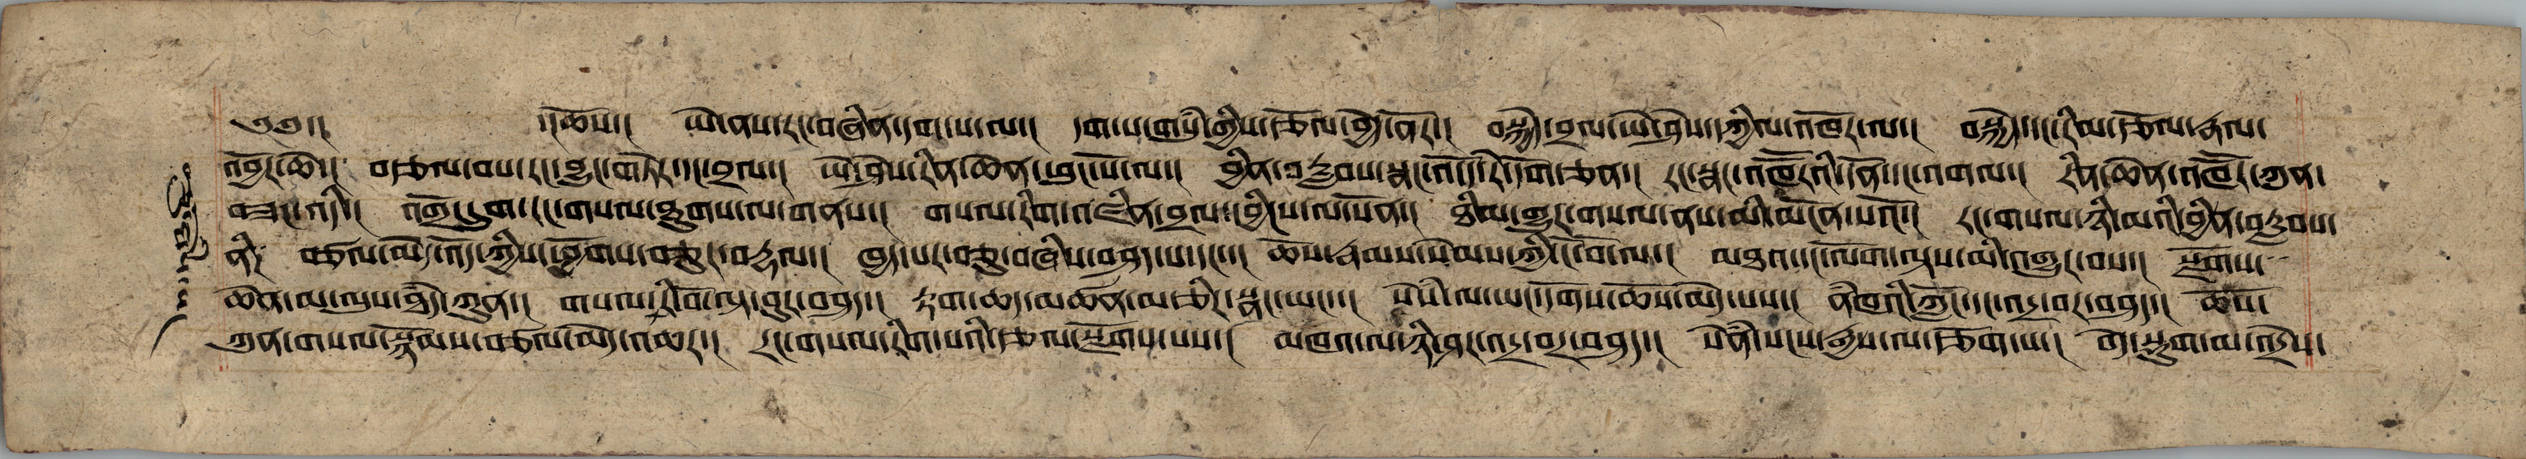༄༅་། ་།ཆོས་། ཡེ་ནས་རང་བཞིན་དག་པ་ལ་། དག་པ་གསུཾ་གྱིས་རྩོལ་བྱེད་ནོར་། བསྐྱེད་བྲལ་ཡེ་ཤེས་དཀྱིལ་འཁོར་ལ་། བསྐྱེད་དང་རིམ་རྩོལ་རྣལ་
འབྱོར་ཆེ་། བརྩལ་བས་རང་བྱུང་གཏེར་དང་བྲལ་། ཡེ་ཤེས་རིན་ཆེན་ཕུང་པོ་ལ་། བྱིན་བརླབས་སྣང་འོས་རེ་དོག་ཅན། རང་སྣང་འཁཽཽརའི་དོན་དང་འགལ་། རིན་ཆེན་འཁཽར་ཀུན་
བཟང་འདི་། འགྲོ་དྲུག་ངང་གསལ་ཐུགས་ལ་གནས་། གསལ་རིག་འཛིན་བྲལ་དབྱིངས་ལ་སོན་། ཐིམ་གྱུར་གསལ་ནས་མི་མངོན་པའོ་། རང་གསལ་ཉི་མའི་བྱིན་བརླབས་
ནི༑ བཙལ་མེད་འོད་ཀྱིས་ཕྱོགས་བཅུར་བརྡལ་། ཁྱད་པར་བཅུ་བཞིས་བཤད་པ་དང་་། ཆོས་རྣམས་སེམས་ཀྱི་ངོ་བོ་ལ་། མཐའ་དང་ལོག་ལྟས་མི་འགྱུར་བས་། སྫོགས་
ཆེན་མ་ལུས་ཐཾད་ཀུན་། གསལ་རི་བོ་ལྟ་བུར་བཤད་། རྟག་ཆད་མཚན་མ་ཅིར་སྣང་ཡང་་། སེསཾ་ལ་ཡང་དོགས་ཆོས་མེད་པས་། ནཾཁའི་ཀློང་དང་འདྲ་བར་བཤད་། ཆོས་
ཀུན་གསལ་སྙོམས་བཙལ་མེད་འཆར་། རང་གསལ་རིག་པའི་རྩལ་སྫོགས་པས་། མཁའ་ལ་ཉི་ཤར་འདྲ་བར་བཤད་། སེཾན་སངས་རྒྱས་ལ་རྩོག་པ་། བདེ་སྡུག་མི་འདྲེས་